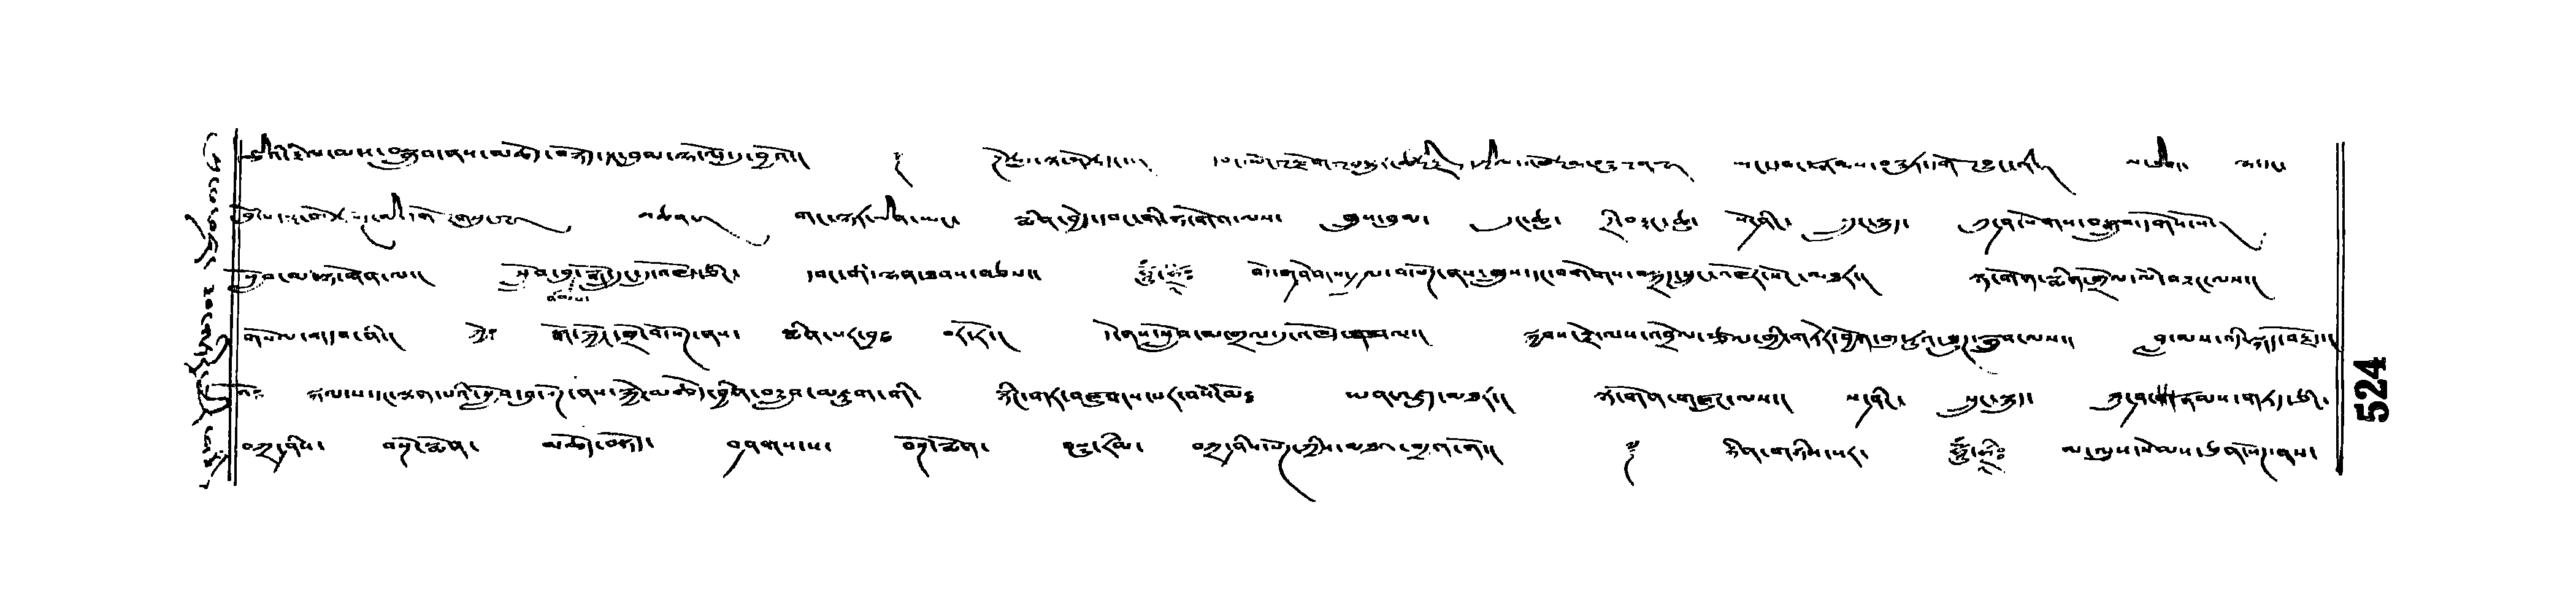རྩིའི་ཟིལ་མས་བསྒྲུབས་ནས་མཆོད་བསྟོད་དང་བུམ་ལྷ་འོད་དུ་བྱའོ། ༈ སྔོན་དུ་སྟ་གོན་དང་། དབང་ཡོངས་རྫོགས་བསྐུར་ཚར་རྗེས་དཀྱིལ་འཁོར་མ་བསྡུས་ནས་དབང་རྣམས་བསྐུར་དགོས་བྱུང་ན། ས་ཐིག ལྷ་དང་
བུམ་པ་སྟ་གོན་སོགས་མི་དགོས་གསུངས།མཆན། གང་ལྟར་ཡིན་ཡང་། སྨིན་བྱེད་དབང་གི་སྟ་གོན་ལས། ཁྲུས་བུམ། དུང་ཆུ། དྲི་བཟང་ཆུ། སོ་ཤིང་། སྲུང་སྐུད། ཀུ་ཤ་སོགས་བསྒྲུབ་དགོས་སོ། 
སློབ་མ་སྟ་གོན་ལ། སློབ་བུ་སྒོ་དྲུང་དུ་འཁོད་ཅིང་། དབང་གི་ལྷན་ཐབས་བཅས། ཧཱུྃ་ཧྲཱིཿ བདེ་གཤེགས་རྒྱལ་བ་སོགས་ནས་གྲུས་དག་བགེགས་བསྐྲད་སྲུང་འཁོར་སོང་མཐར། སྟ་གོན་སྨིན་གྲོལ་ལམ་བཟང་ལས། 
གསོལ་གདབ་ནི། ཀྱཻ༔ སྒོ་སྐྱོང་ཁྲོ་བོ་སོགས་ནས། སྨིན་པར་བྱ༔ བར་རོ། དེ་ནས་སློབ་མ་གྲལ་དུ་འཁོད་ལ། སྐྱབས་རྗེ་ལས་འབྲེལ་རྩལ་གྱི་གཏེར་བྱོན་གུ་རུའི་ཐུགས་སྒྲུབ་ལས། བླ་མས་འདི་སྐད་བརྗོད། 
འོ། སྐལ་པ་དང་ལྡན་པའི་སློབ་བུ་སོགས་ནས་སྐྱེ་མཆེད་བྱིན་བརླབ་མཇུག་ག ི སྙིང་གར་བཞུགས་པར་བསམ་མོ༔ ཡན་འཛུད་མཐར། སྟ་གོན་གཞུང་ལས། སོ་ཤིང་། སྲུང་སྐུད། ཀུ་ཤ་རྣམས་གཏད་ཅིང་
བཀྲ་ཤིས། བསྔོ་སྨོན། མཆོད་བསྟོད། བཤགས་པ། བསྔོ་སྨོན། བསྡུ་རིམ། བཀྲ་ཤིས་སོགས་ཀྱིས་མཐའ་བརྒྱན་ནོ། ༈ ཉིན་གཉིས་པར། ཧཱུྃ་ཧྲཱིཿ མ་ལུས་སེམས་ཅན་སོགས་ནས་